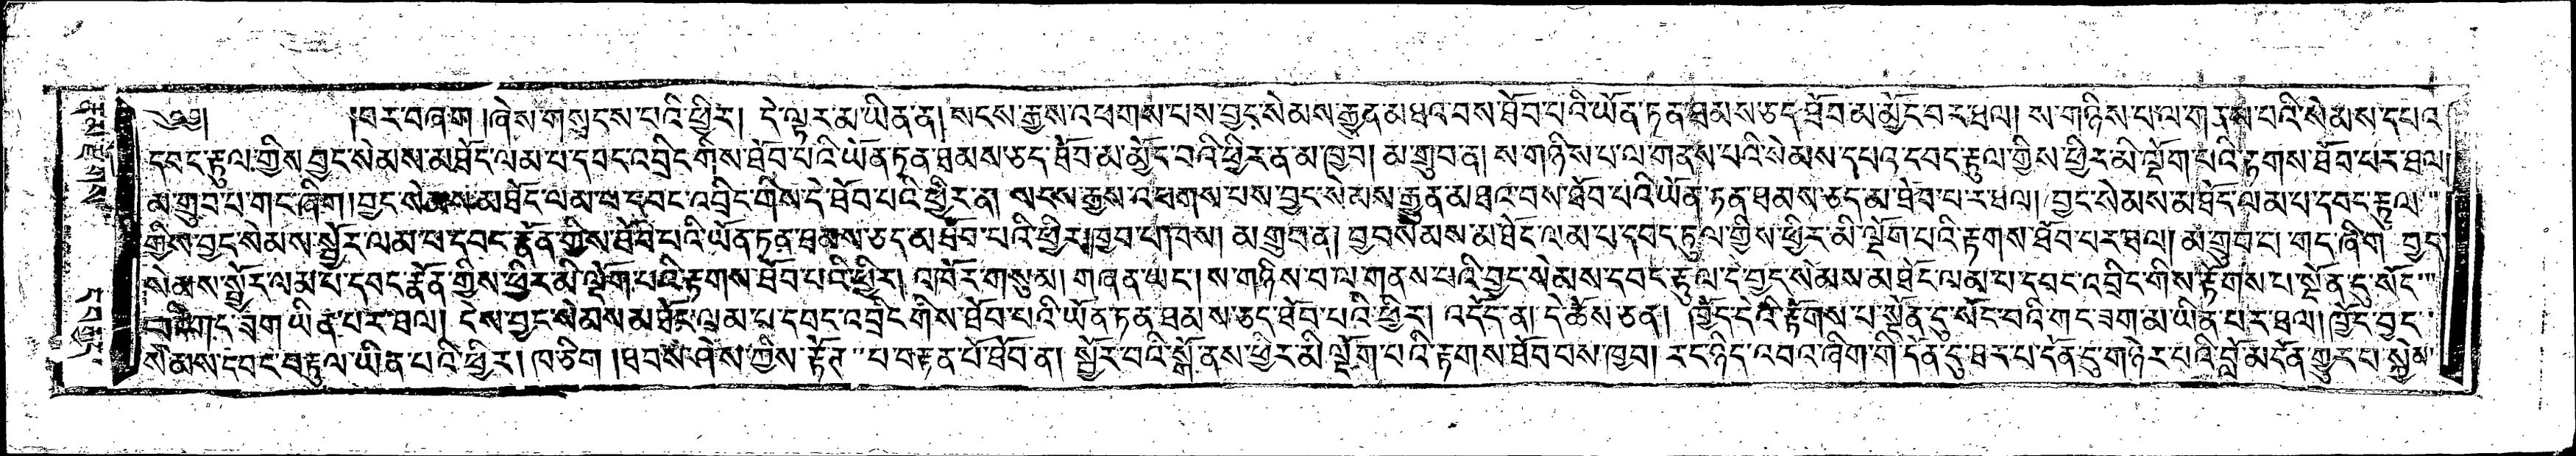༄༅། །པར་བཞག། ཞེས་གསུངས་པའི་ཕྱིར། དེ་ལྟར་མ་ཡིན་ན། སངས་རྒྱས་འཕགས་པས་བྱང་སེམས་རྒྱུན་མཐའ་བས་ཐོབ་པའི་ཡོན་ཏན་ཐམས་ཅད་ཐོབ་མ་མྱོང་བར་ཐལ། ས་གཉིས་པ་ལ་གནས་པའི་སེམས་དཔའ་
དབང་རྟུལ་གྱིས་བྱང་སེམས་མཐོང་ལམ་པ་དབང་འབྲིང་གིས་ཐོབ་པའི་ཏོན་ཏན་ཐམས་ཅད་ཐོབ་མ་མྱོང་བའི་ཕྱིར་ན་མ་ཁྱབ། མ་གྲུབ་ན། ས་གཉིས་པ་ལ་གནས་པའི་སེམས་དཔའ་དབང་རྟུལ་གྱིས་ཕྱིར་མི་ལྡོག་པའི་རྟགས་ཐོབ་པར་ཐལ།
མ་གྲུབ་པ་གང་ཞིག། བྱང་སྨེས་མཐོང་ལམ་པ་དབང་འབྲིང་གིས་དེ་ཐོབ་པའི་ཕྱིར་ན། སངས་རྒྱས་འཕགས་པས་བྱང་སེམས་རྒྱུན་མཐའ་བས་ཐོབ་པའི་ཡོན་ཏན་ཐམས་ཅད་མ་ཐོབ་པར་ཐལ། བྱང་སེམས་མཐོང་ལམ་པ་དབང་རྟུལ་
གྱིས་བྱང་སེམས་སྦྱོར་ལམ་པ་དབང་རྣོན་གྱིས་ཐོབ་པའི་ཡོན་ཏན་ཐམས་ཅད་མ་ཐོབ་པའི་ཕྱིར། ཁྱབ་པ་ཁས། མ་གྲུབ་ན། བྱང་སེམས་མཐོང་ལམ་པ་དབང་རྟུལ་གྱིས་ཕྱིར་མི་ལྡོག་པའི་རྟགས་ཐོབ་པར་ཐལ། མ་གྲུབ་པ་གང་ཞིག། བྱང་
སེམས་སྦྱོར་ལམ་པ་དབང་རྣོན་གྱིས་ཕྱིར་མི་ལྡོག་པའི་རྟགས་ཐོབ་པའི་ཕྱིར། འཁོར་གསུམ། གཞན་ཡང་། ས་གཉིས་པ་ལ་གནས་པའི་བྱང་སེམས་དབང་རྟུལ་དེ་བྱང་སེམས་མཐོང་ལམ་པ་དབང་འབྲིང་གིས་རྟོགས་པ་སྔོན་དུ་སོང་
བའི་གང་ཟག་ཡིན་པར་ཐལ། དེས་བྱང་སེམས་མཐོང་ལམ་པ་དབང་འབྲིང་གིས་ཐོབ་པའི་ཡོན་ཏན་ཐམས་ཅད་ཐོབ་པའི་ཕྱིར། འདོད་ན། དེ་ཆོས་ཅན། ཁྱོད་དེའི་རྟོགས་པ་སྔོན་དུ་སོང་བའི་གང་ཟག་མ་ཡིན་པར་ཐལ། ཁྱོད་བྱང་
སེམས་དབང་བརྟུལ་ཡིན་པའི་ཕྱིར། ཁ་ཅིག། ཐབས་ཤེས་ཀྱིས་རྟོགས་པ་བརྟན་པོ་ཐོབ་ན། སྦྱོར་བའི་སྒོ་ནས་ཕྱིར་མི་ལྡོག་པའི་རྟགས་ཐོབ་པས་ཁྱབ། རང་ཉིད་འབའ་ཞིག་གི་དོན་དུ་ཐར་པ་དོན་དུ་གཉེར་པའི་བློ་མངོན་གྱུར་པ་སྐྱེ་མི་